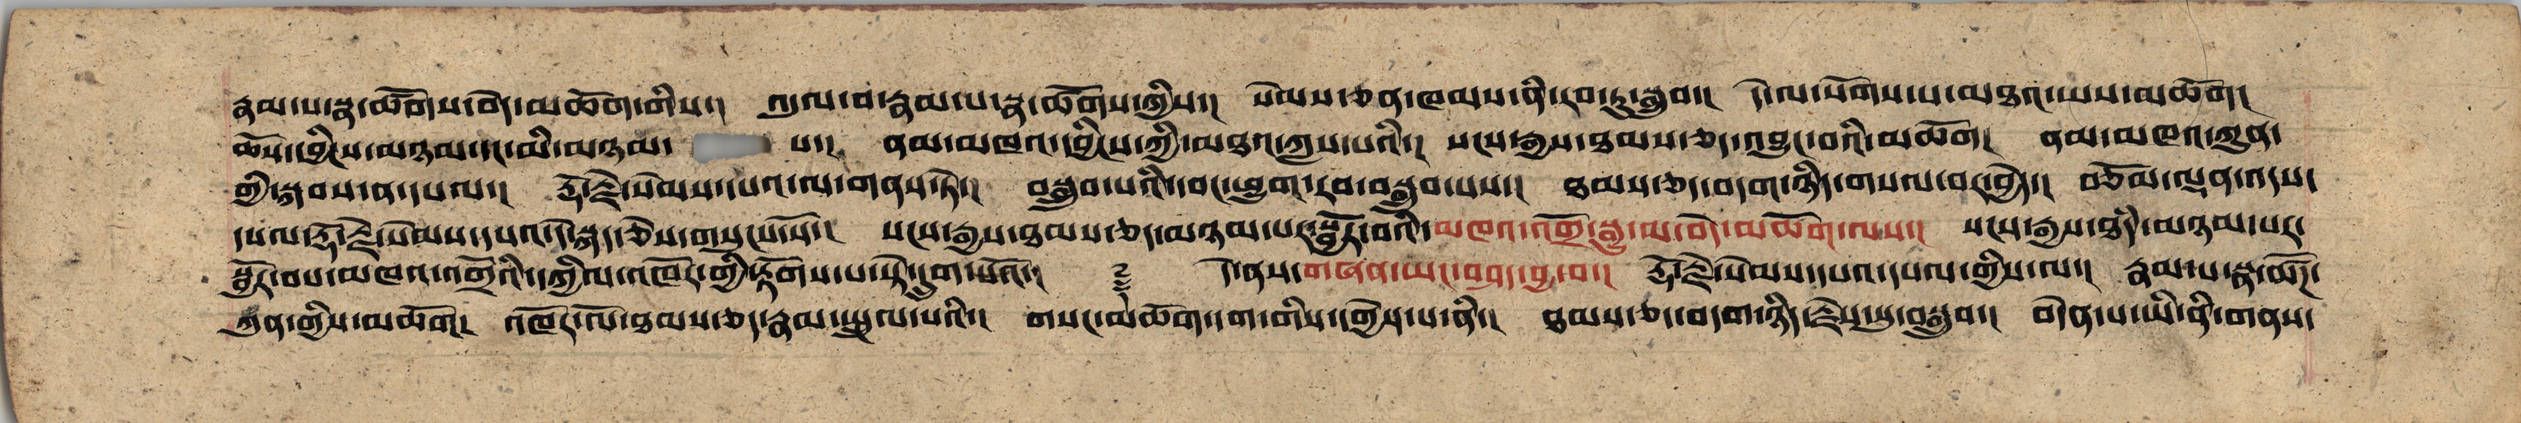རྣམ་པ་སྣ་ཚོགས་བདེ་མཆོག་གིས་། འདུལ་བ་རྣམ་པ་སྣ་ཚོགས་ཀྱིས་། སེམས་ཅན་ཁམས་ནི་རབ་ཏུ་སྒྲུབ་། དེ་ལ་སོགས་པ་མཐའ་ཡས་མཆོག།
ཆོས་དབྱིངས་མཉམ་དང་མི་མཉམ་ པ་། ནམ་མཁའ་དབྱིངས་ཀྱི་མཐའ་ཀླས་པའི་། སངས་རྒྱས་ཐམས་ཅད་འབྱུང་བའི་མཆོག། ནམ་མཁའ་ཀུན་
གྱི་སྐབས་ན་དཔལ་། རྡོ་རྗེ་སེམས་དཔའ་ལ་གནས་ཏེ་། བསྒྲུབ་པའི་དབང་ཕྱུག་རབ་བསྒྲུབ་པས་། ཐམས་ཅད་བདག་ཉིད་གསལ་བར་བྱེད་། བཅོམ་ལྡན་འདས་
དཔལ་རྡོ་རྗེ་སེམས་དཔའ་དེ་སྐད་ཅེས་གསུངས་སོ་། སངས་རྒྱས་ཐམས་ཅད་མཉམ་པར་སྦྱོར་བའི་མཁའ་འགྲོ་སྒྱུ་མ་བདེ་མཆོག་ལས་། སངས་རྒྱས་ཐཾད་མཉམ་པར་
སྦྱོར་བས་མཁའ་འགྲོའི་དཀྱིལ་འཁོར་གྱི་རྟོགས་པ་སྟེ་དྲུག་པའོ་། ࿑ དེ་ནས་གཞན་ཡང་བཤད་བྱ་བ་། རྡོ་རྗེ་སེམས་དཔའ་དཔལ་གྱིས་ལ་། རྣམ་པ་སྣ་ཚོཌ་
ཀུན་གྱིས་མཆོག། འཁོར་ལོ་ཐམས་ཅད་རྣམ་སྤྲུལ་པའི་། གསང་མཆོག་དག་གིས་དགྱེས་པ་ནི་། ཐམས་ཅད་བདག་ཉིད་རྗེས་སུ་བསྒྲུབ་། བདེན་པ་ཡི་ནི་གནས་